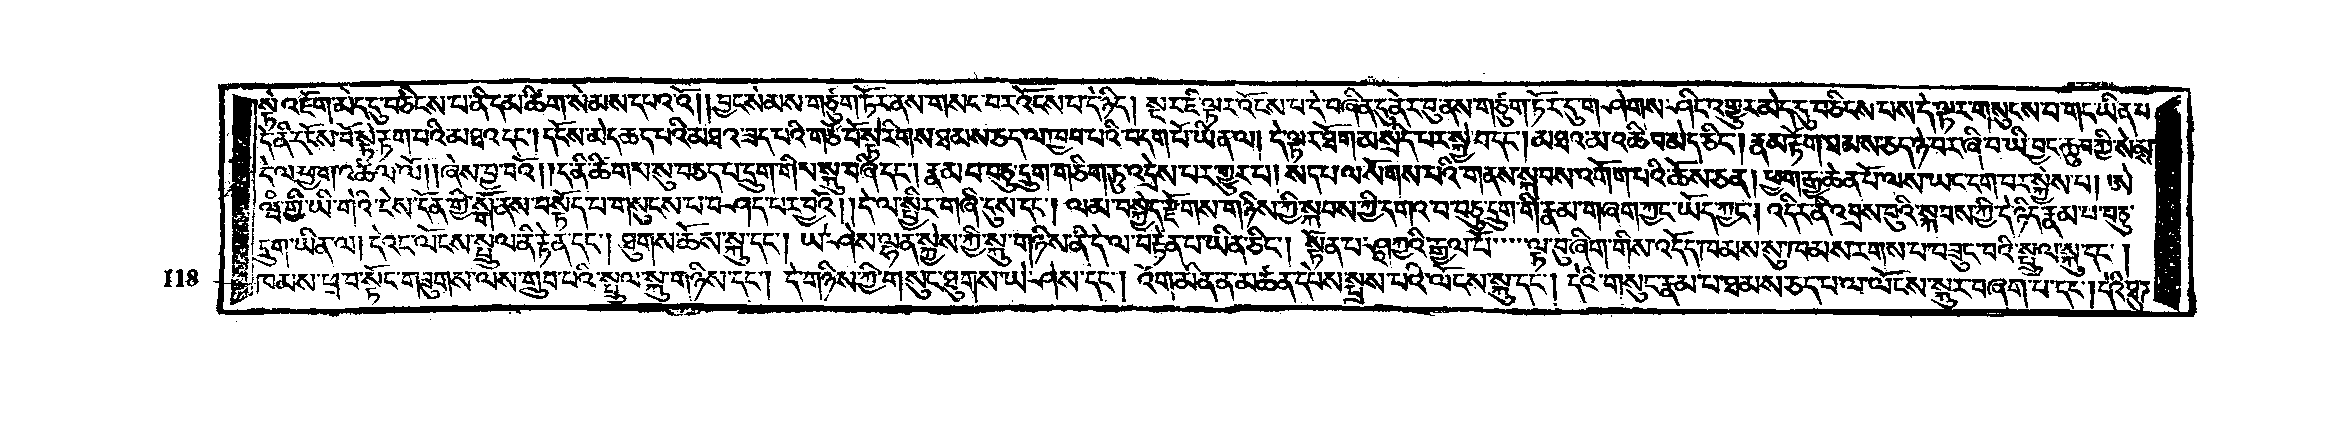སྟེ་འཛག་མེད་དུ་བཅིངས་པ་ནི་དམ་ཚིག་སེམས་དཔའ་འོ། །བྱང་སེམས་གཙུག་ཏོར་ནས་གསང་བར་འོངས་པ་དེ་ཉིད། སྔར་ཇི་ལྟར་འོངས་པ་དེ་བཞིན་དུ་ནོར་བུ་ནས་གཙུག་ཏོར་དུ་གཤེགས་ཤིང་འགྱུར་མེད་དུ་བཅིངས་པས་དེ་ལྟར་གསུངས་པ་གང་ཡིན་པ་
དེ་ནི་དངོས་པོ་སྟེ་རྟག་པའི་མཐའ་དང་། དངོས་མེད་ཆད་པའི་མཐའ་ཟད་པའི་གཙོ་བོ་སྟེ་རིགས་ཐམས་ཅད་ལ་ཁྱབ་པའི་བདག་པོ་ཡིན་ལ། དེ་ལྟར་ཐོག་མ་སྲིད་པར་སྐྱེ་བ་དང་། མཐའ་མ་འཆི་བ་མེད་ཅིང་། རྣམ་རྟོག་ཐམས་ཅད་ཉེ་བར་ཞི་བ་ཡི་བྱང་ཆུབ་ཀྱི་སེམས་
དེ་ལ་ཕྱག་འཚལ་ལོ། །ཞེས་བྱ་བའོ། །དེ་ནི་ཚིགས་སུ་བཅད་པ་དྲུག་གིས་སྐུ་བཞི་དང་། རྣམ་པ་བཅུ་དྲུག་གཅིག་ཏུ་འདྲེས་པར་གྱུར་པ། སད་པ་ལ་སོགས་པའི་གནས་སྐབས་འགོག་པའི་ཆོས་ཅན། ཕྱག་རྒྱ་ཆེན་པོ་ལས་ཡང་དག་པར་སྐྱེས་པ། ཨེ་
ཝཾ་གྱི་ཡི་གེའི་ངེས་དོན་གྱི་སྒོ་ནས་བསྟོད་པ་གསུངས་པ་བཤད་པར་བྱའོ། །དེ་ལ་སྤྱིར་གཞི་དུས་དང་། ལམ་བསྐྱེད་རྫོགས་གཉིས་ཀྱི་སྐབས་ཀྱི་དགའ་བ་བཅུ་དྲུག་གི་རྣམ་གཞག་ཀྱང་ཡོད་ཀྱང་། འདིར་ནི་འབྲས་བུའི་སྐབས་ཀྱི་དེ་ཉིད་རྣམ་པ་བཅུ་
དྲུག་ཡིན་ལ། དེའང་ལོངས་སྤྲུལ་ནི་རྟེན་དང་། ཐུགས་ཆོས་སྐུ་དང་། ཡེ་ཤེས་ལྷན་སྐྱེས་ཀྱི་སྐུ་གཉིས་ནི་དེ་ལ་བརྟེན་པ་ཡིན་ཅིང་། སྟོན་པ་ཤཱཀྱའི་རྒྱལ་པོ་ལྟ་བུ་ཞིག་གིས་འདོད་ཁམས་སུ་ཁམས་རགས་པ་བཟུང་བའི་སྤྲུལ་སྐུ་དང་།
ཁམས་ཕྲ་བ་སྟོང་གཟུགས་ལས་གྲུབ་པའི་སྤྲུལ་སྐུ་གཉིས་དང་། དེ་གཉིས་ཀྱི་གསུང་ཐུགས་ཡེ་ཤེས་དང་། འོག་མིན་ན་མཚན་དཔེས་སྤྲས་པའི་ལོངས་སྐུ་དང་། དེའི་གསུང་རྣམ་པ་ཐམས་ཅད་པ་ལ་ལོངས་སྐུར་བཞག་པ་དང་། དེའི་ཐུགས་